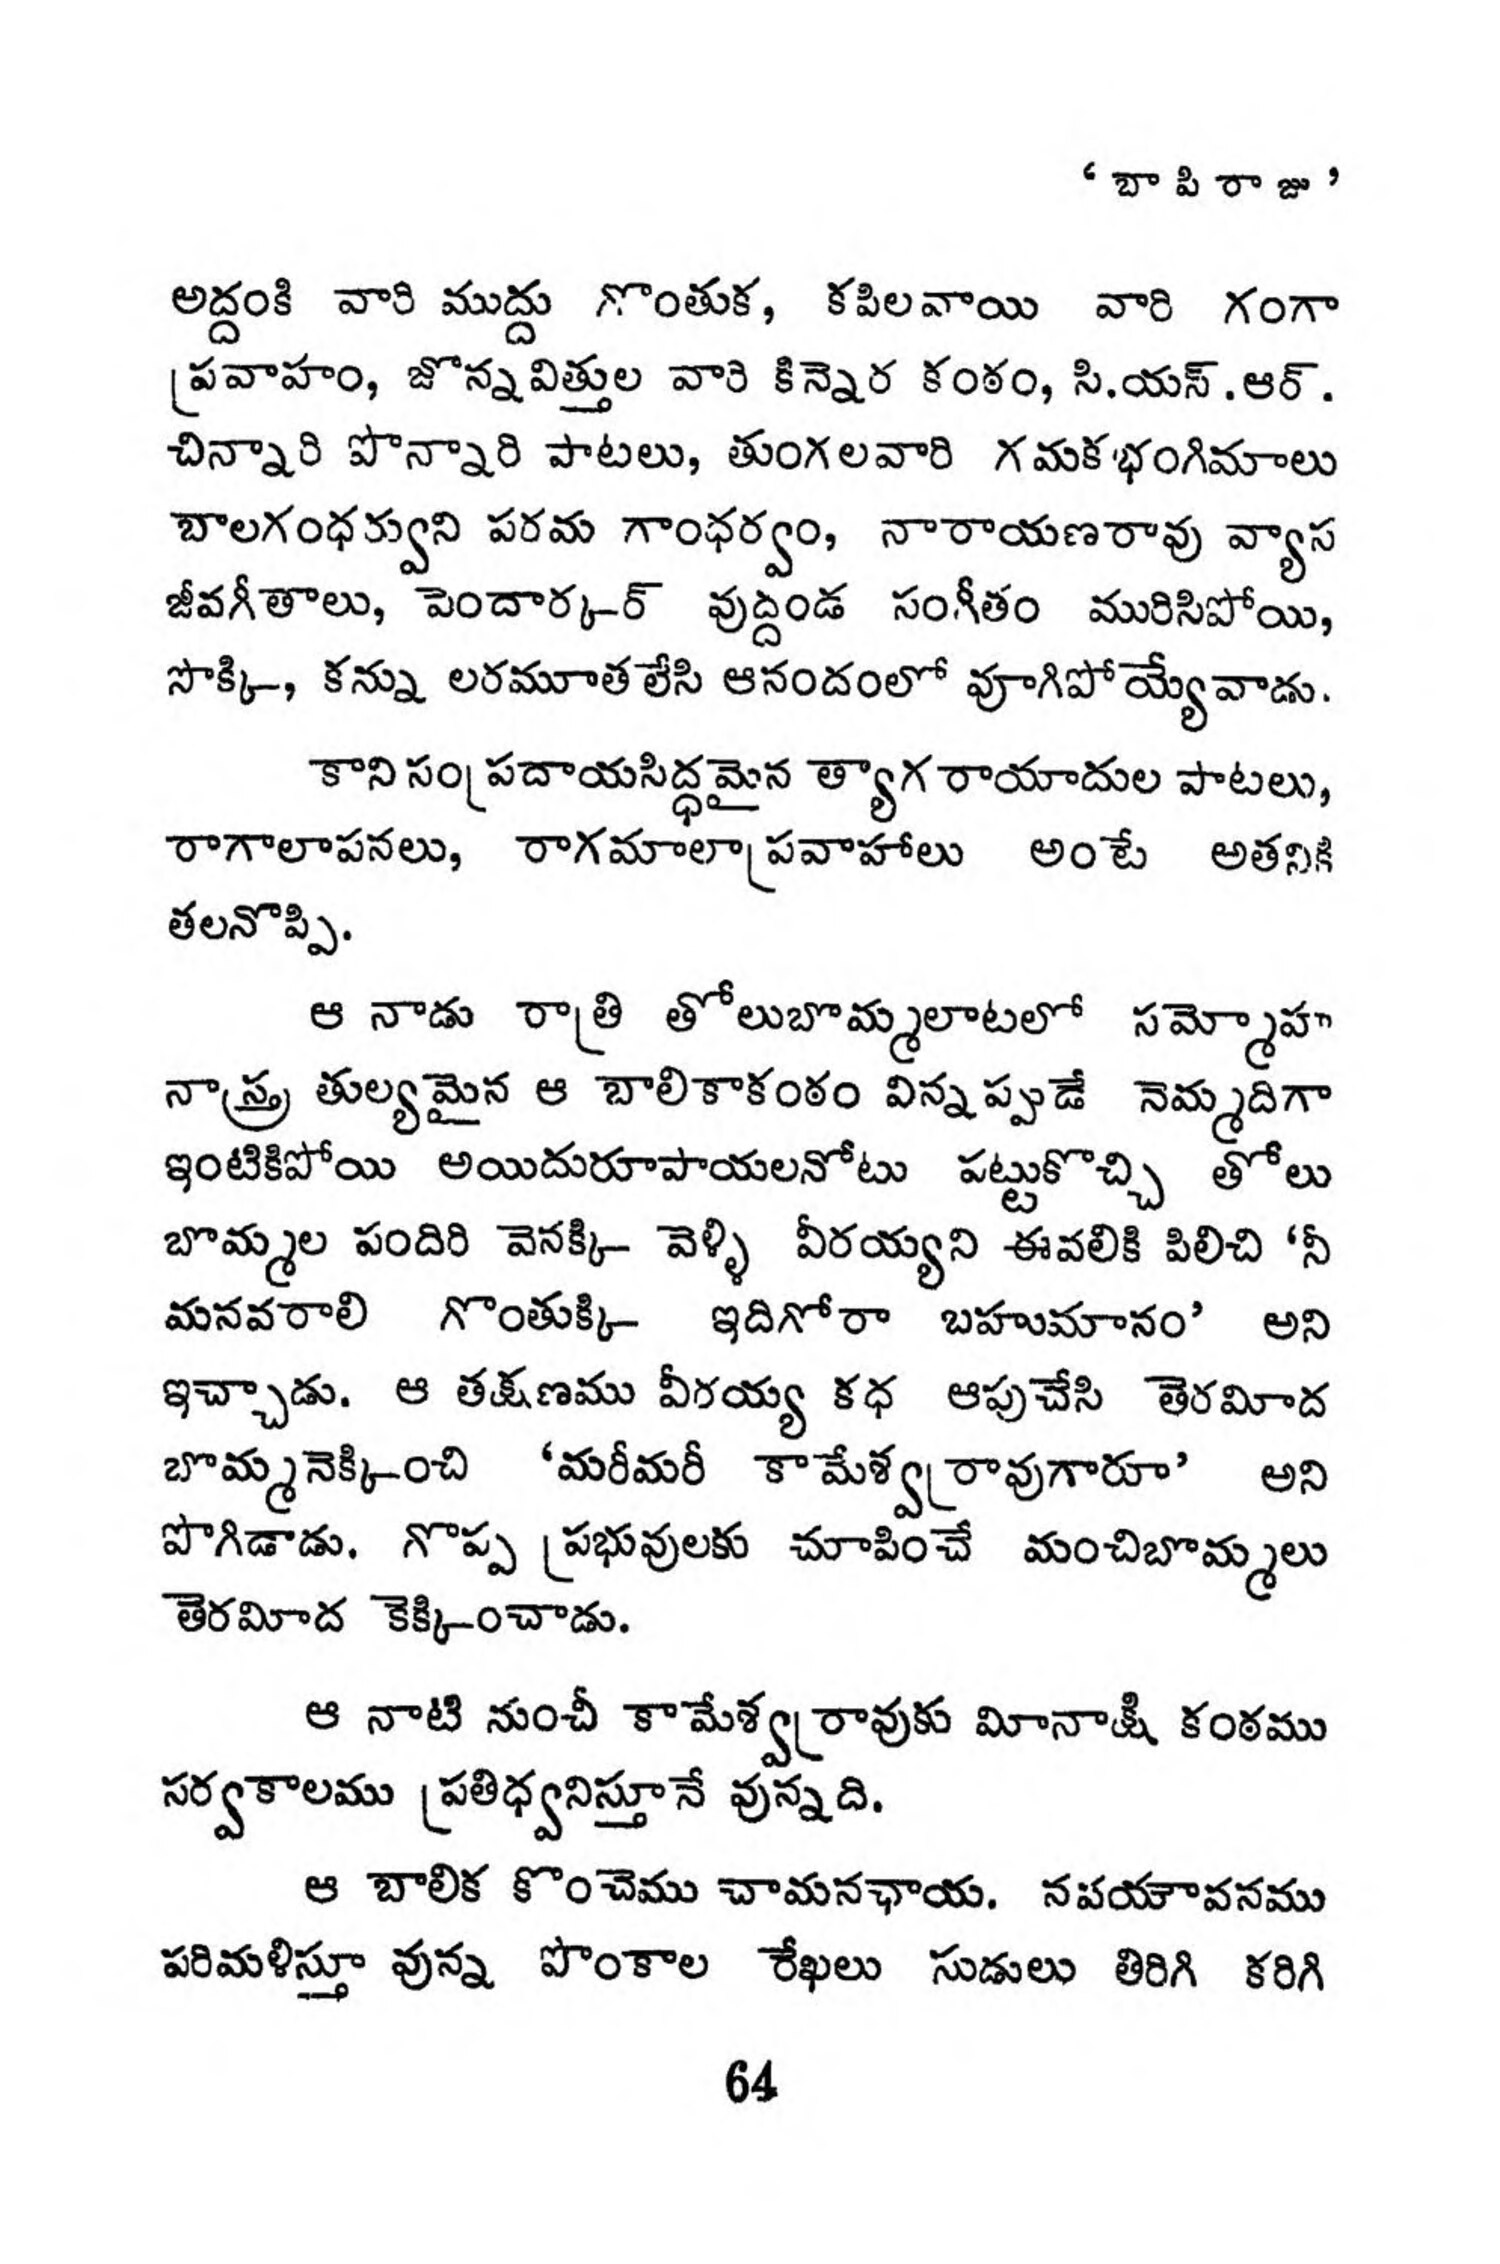అద్దంకి వారి ముద్దు గొంతుక, కపిలవాయి వారి గంగా ప్రవాహం, జొన్నవిత్తుల వారి కిన్నెర కంఠం, సి. యన్. ఆర్. చిన్నారి పొన్నారి పాటలు, తుంగలవారి గమకభంగిమాలు బాలగంధర్వుని పరమ గాంధర్వం, నారాయణరావు వ్యాస జీవగీతాలు, పెందార్కర్ వుద్దండ సంగీతం మురిసిపోయి, సొక్కి, కన్ను లరమూతలేసి ఆనందంలో వూగిపోయ్యేవాడు.

కాని సంప్రదాయసిద్ధమైన త్యాగరాయాదుల పాటలు, రాగాలాపనలు, రాగమాలాప్రవాహాలు అంటే అతనికి తలనొప్పి.

ఆ నాడు రాత్రి తోలుబొమ్మలాటలో సమ్మోహనాస్త్ర తుల్యమైన ఆ బాలికాకంఠం విన్నప్పుడే నెమ్మదిగా ఇంటికిపోయి అయిదురూపాయలనోటు పట్టుకొచ్చి తోలుబొమ్మల పందిరి వెనక్కి వెళ్ళి వీరయ్యని ఈవలికి పిలిచి 'నీ మనవరాలి గొంతుక్కి ఇదిగోరా బహుమానం' అని ఇచ్చాడు. ఆ తక్షణము వీరయ్య కథ ఆపుచేసి తెరమీద బొమ్మనెక్కించి 'మరీమరీ కామేశ్వర్రావుగారూ' అని పొగిడాడు. గొప్ప ప్రభువులకు చూపించే మంచిబొమ్మలు తెరమీద కెక్కించాడు.

ఆ నాటి నుంచీ కామేశ్వర్రావుకు మీనాక్షి కంఠము సర్వకాలము ప్రతిధ్వనిస్తూనే వున్నది.

ఆ బాలిక కొంచెము చామనఛాయ. నవయౌవనము పరిమళిస్తూ వున్న పొంకాల రేఖలు సుడులు తిరిగి కరిగి